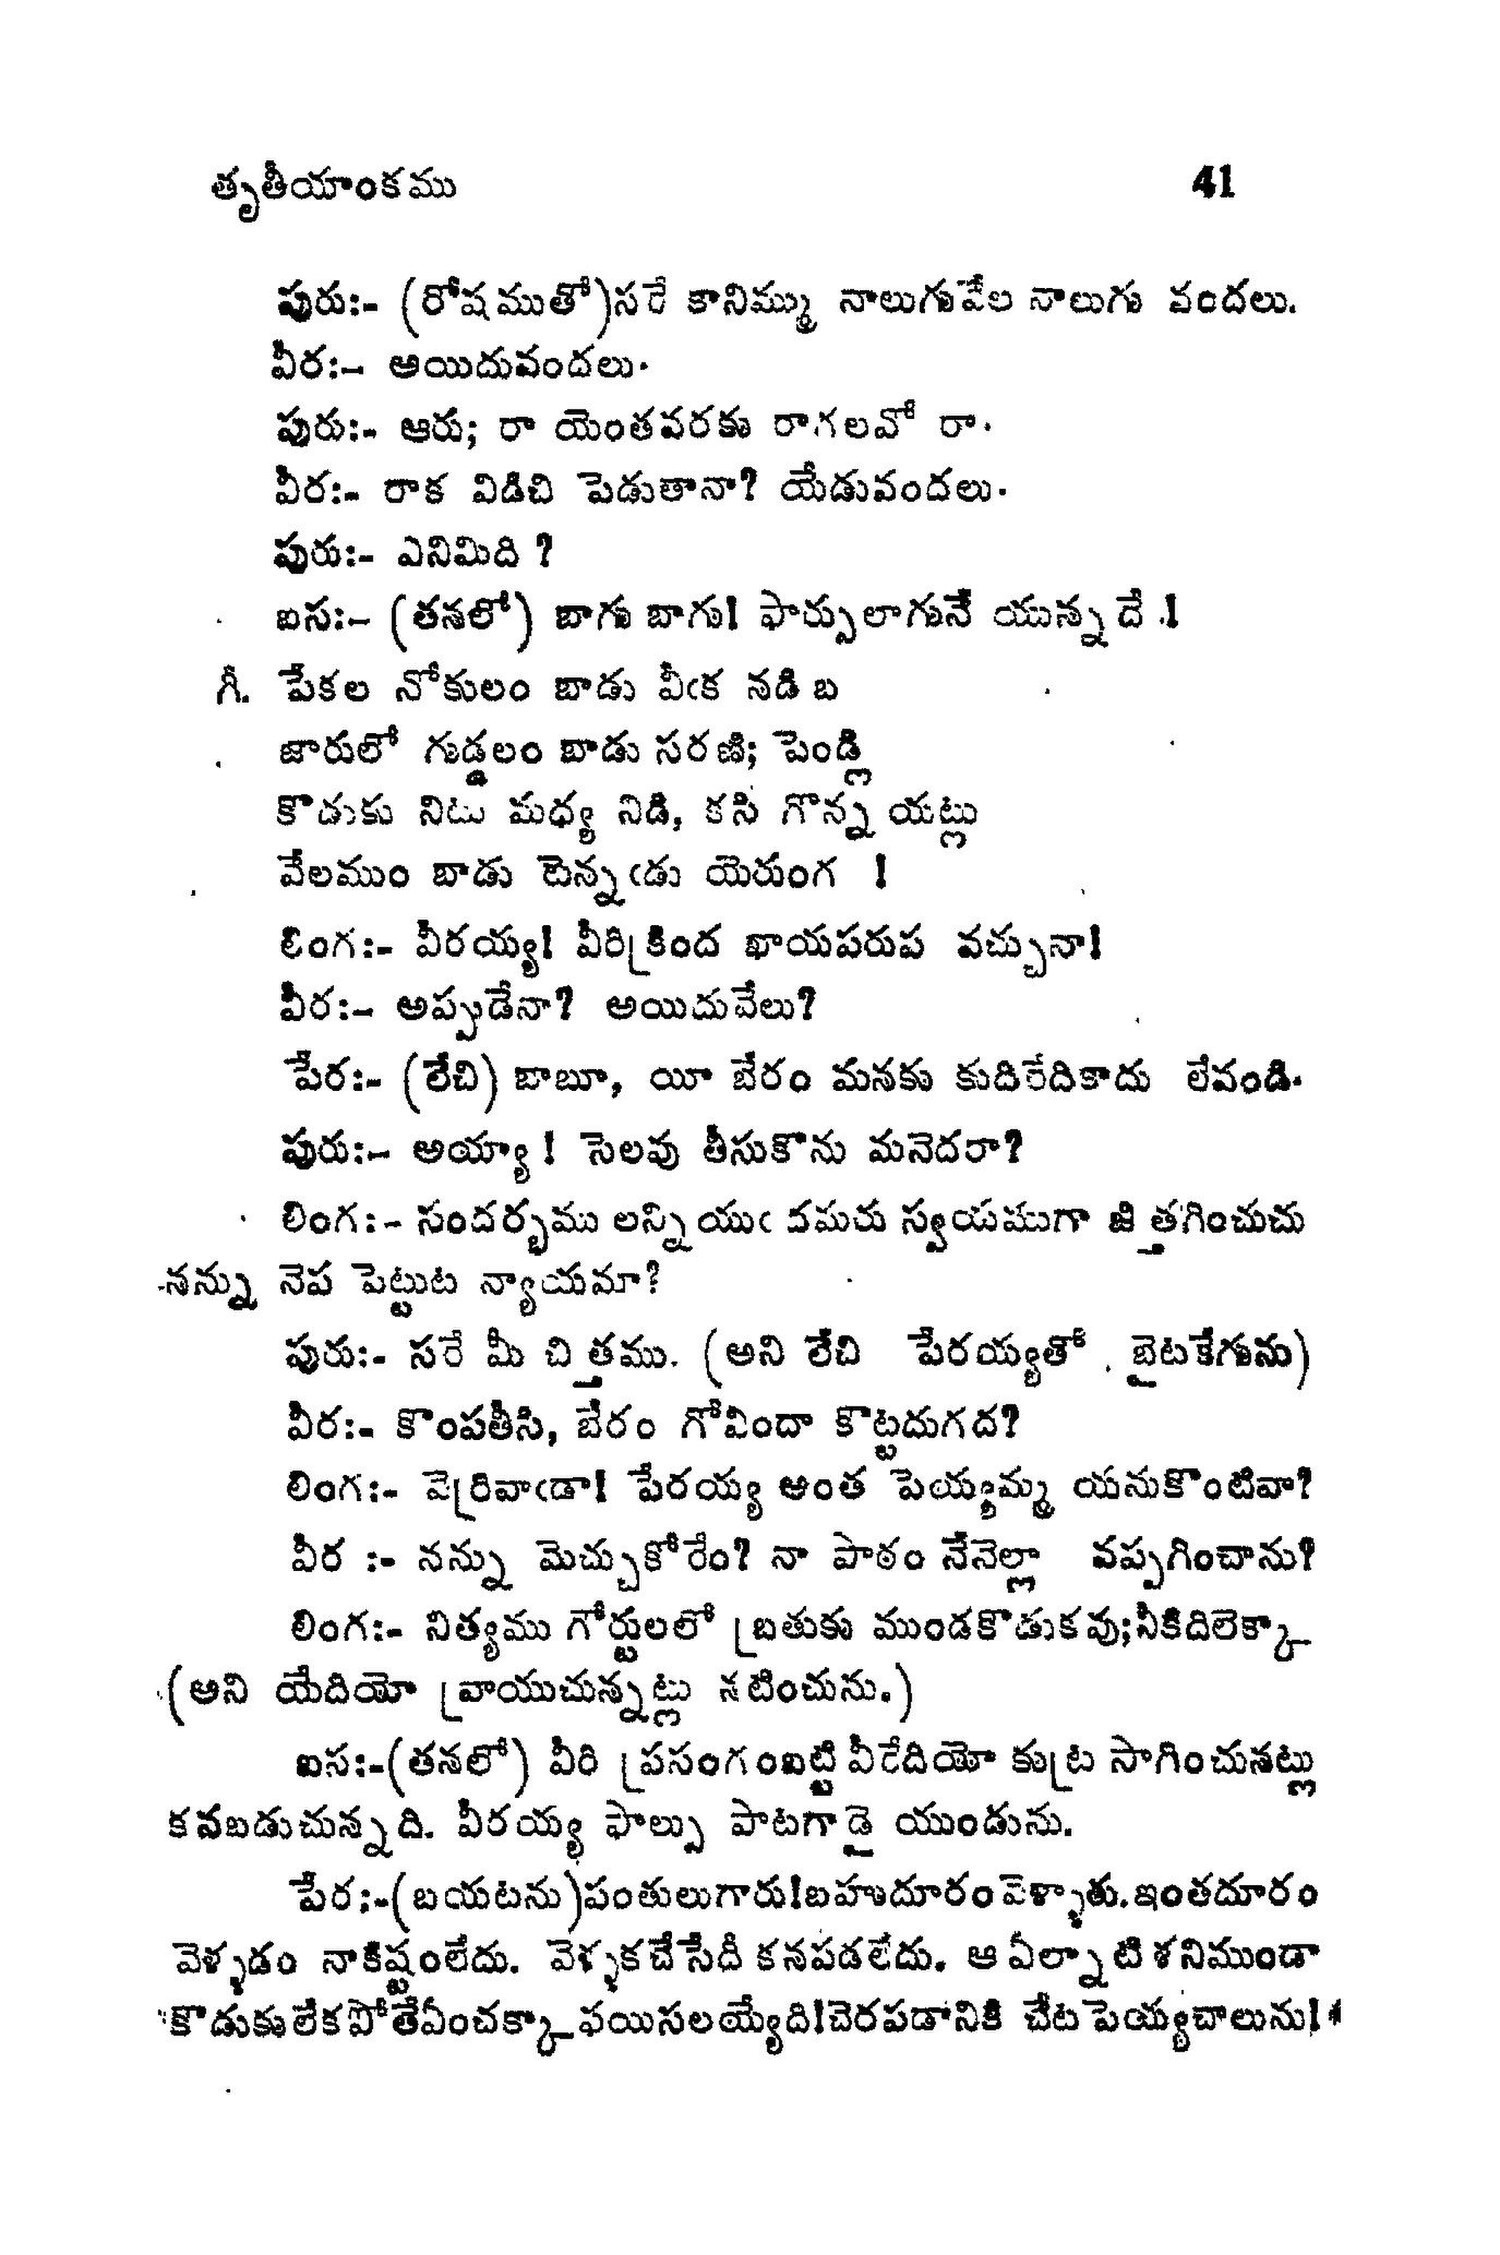పురు :- (రోషముతో) సరే కానిమ్ము నాలుగువేల నాలుగు వందలు.

వీర :- అయిదువందలు

పురు :- ఆరు; రా యెంతవరకు రాగలవో రా.

వీర :- రాక విడిచి పెడుతానా? యేడువందలు.

పురు :- ఎనిమిది ?

బస :- (తనలో) బాగు బాగు! ఫార్సులాగునే యున్నదే!

గీ. పేకల నోకులం బాడు వీఁక నడి బ
 జారులో గుడ్డలం బాడు సరణి; పెండ్లి
 కొడుకు నిటు మధ్య నిడి, కసి గొన్న యట్లు
 వేలముం బాడు టెన్నఁడు యెరుంగ !

లింగ :- వీరయ్య! వీరిక్రింద ఖాయపరుప వచ్చునా!

వీర :- అప్పుడేనా? అయిదువేలు?

పేర :- (లేచి) బాబూ, యీ బేరం మనకు కుదిరేదికాదు లేవండి.

పురు :- అయ్యా! సెలవు తీసుకొను మనెదరా?

లింగ :- సందర్భము లన్నియుఁ దమరు స్వయముగా జిత్తగించుచు నన్ను నెప పెట్టుట న్యాయమా!

పురు :- సరే మీ చిత్తము. (అని లేచి పేరయ్యత బైటకేగును)

వీర :- కొంపతీసి, బేరం గోవిందా కొట్టదుగద?

లింగ :- వెర్రివాఁడా! పేరయ్య అంత పెయ్యమ్మ యనుకొంటివా?

వీర :- నన్ను మెచ్చుకోరేం? నా పాఠం నేనెల్లా వప్పగించాను?

లింగ :- నిత్యము గోర్టులలో బ్రతుకు ముండకొడుకవు; నీకిదిలెక్కా (అని యేదియో వ్రాయుచున్నట్లు నటించును.)

బస :- (తనలో) వీరి ప్రసంగంబట్టి వీరేదియో కుట్ర సాగించునట్లు కనబడుచున్నది. వీరయ్య ఫాల్సు పాటగాడై యుండును.

పేర :- (బయటను) పంతులుగారు! బహుదూరం వెళ్ళారు. ఇంతదూరం వెళ్ళడం నాకిష్టంలేదు. వెళ్ళకచేసేదీ కనపడలేదు. ఆ ఏల్నాటి శనిముండాకొడుకు లేకపోతే ఏంచక్కా ఫయిసలయ్యేది! చెరపడానికి చేటపెయ్యచాలును!